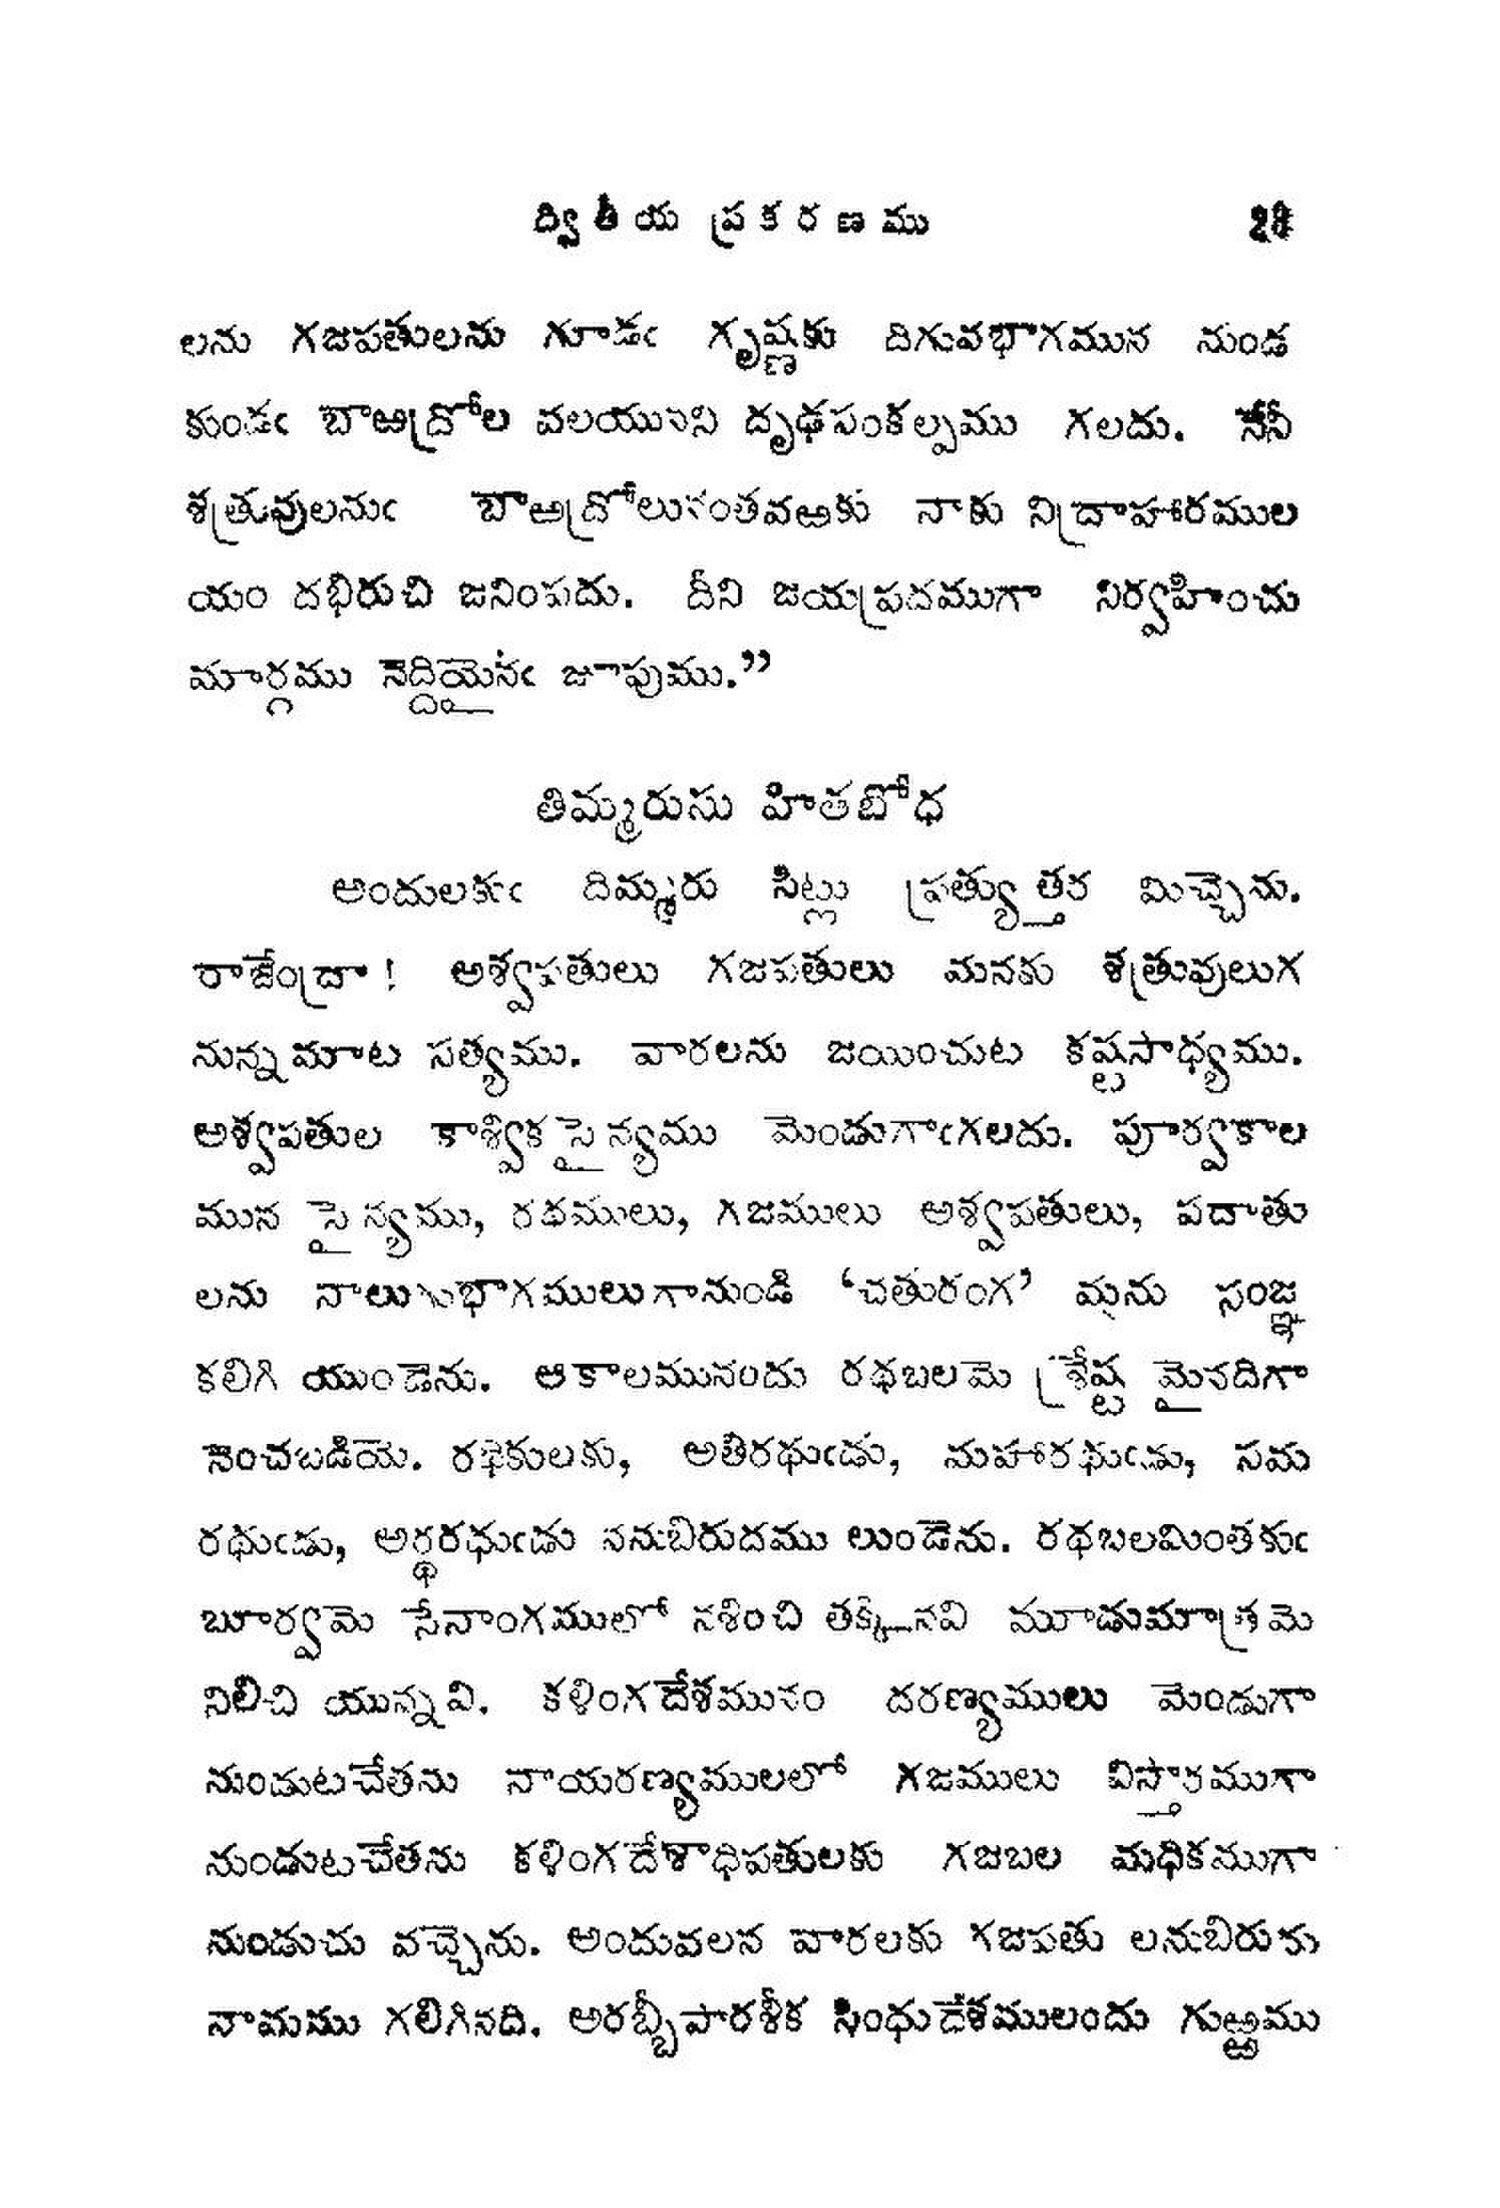లను గజపతులను గూడఁ గృష్ణకు దిగువభాగమున నుండకుండఁ బాఱద్రోల వలయునని దృఢసంకల్పము గలదు. నేనీ శత్రువులనుఁ బాఱద్రోలునంతవఱకు నాకు నిద్రాహారముల యం దభిరుచి జనింపదు. దీని జయప్రదముగా నిర్వహించు మార్గము నెద్దియైనఁ జూపుము.”

తిమ్మరుసు హితబోధ 

అందులకుఁ దిమ్మరు సిట్లు ప్రత్యుత్తర మిచ్చెను. రాజేంద్రా ! అశ్వపతులు గజపతులు మనకు శత్రువులుగ నున్నమాట సత్యము. వారలను జయించుట కష్టసాధ్యము. అశ్వపతుల కాశ్వికసైన్యము మెండుగాఁగలదు. పూర్వకాలమున సైన్యము, రథములు, గజములు అశ్వపతులు, పదాతులను నాలుగుభాగములుగానుండి 'చతురంగ ' మను సంజ్ఞ కలిగి యుండెను. ఆకాలమునందు రథబలమె శ్రేష్ఠ మైనదిగా నెంచబడియె. రథికులకు, అతిరథుఁడు, మహారథుఁడు, సమరథుఁడు, అర్థరధుఁడు ననుబిరుదము లుండెను. రథబలమింతకుఁ బూర్వమె సేనాంగములో నశించి తక్కినవి మూడుమాత్రమె నిలిచి యున్నవి. కళింగదేశమునం దరణ్యములు మెండుగా నుండుటచేతను నాయరణ్యములలో గజములు విస్తారముగా నుండుటచేతను కళింగదేశాధిపతులకు గజబల మధికముగా నుండుచు వచ్చెను. అందువలన వారలకు గజపతు లనుబిరుదు నామము గలిగినది, అరబ్బీపారశీక సింధుదేశములందు గుఱ్ఱము